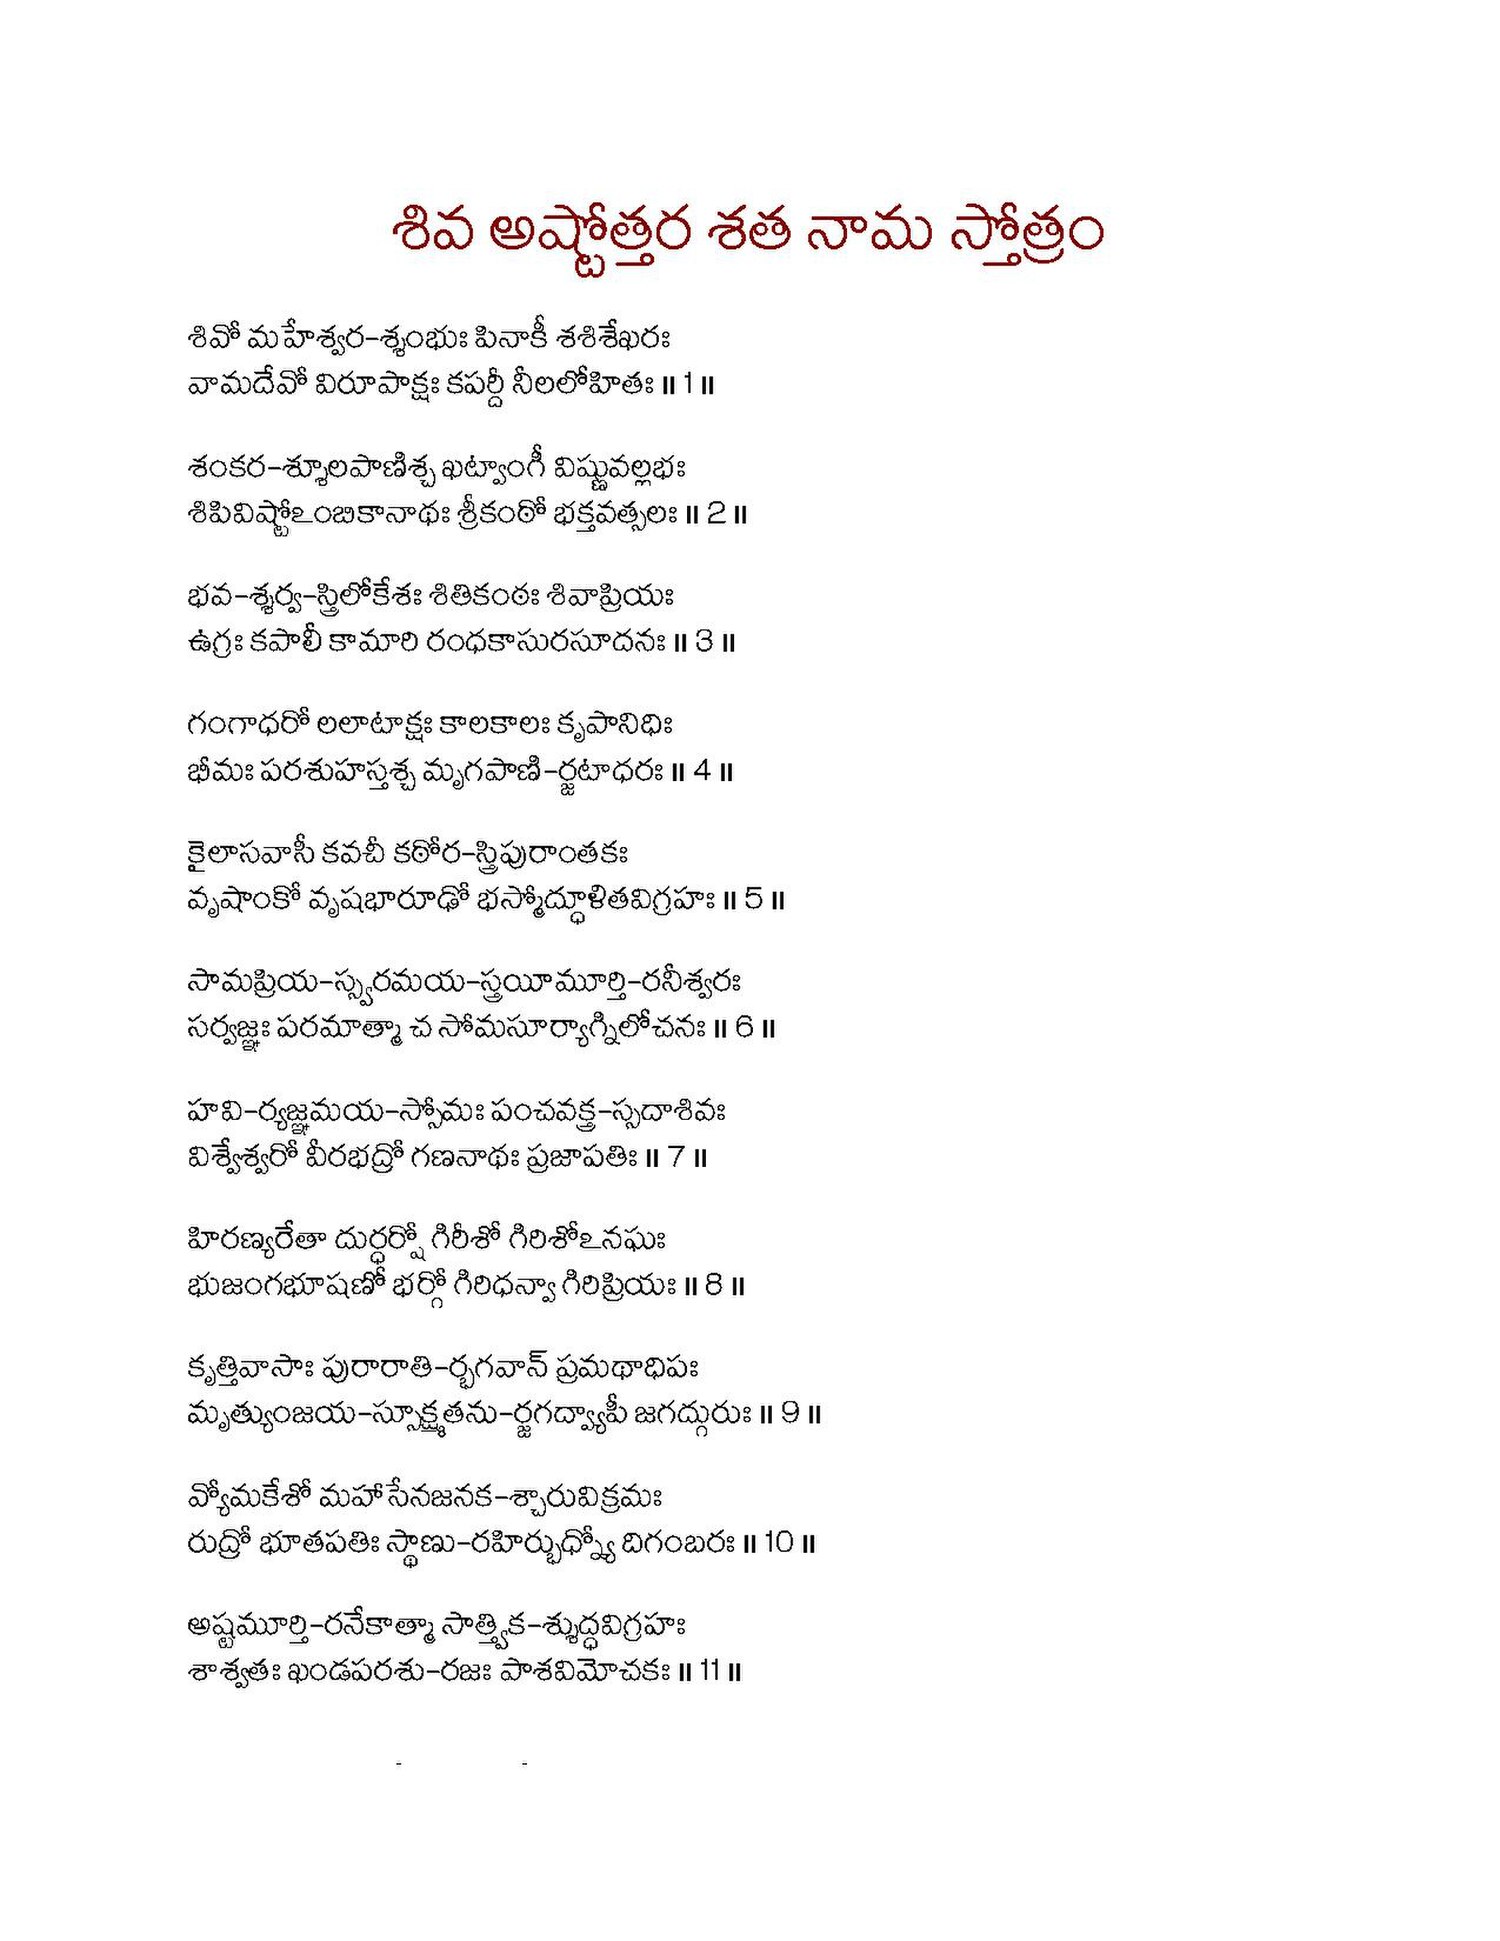శివో మహేశ్వర-శ్శంభుః పినాకీ శశిశేఖరః
వామదేవో విరూపాక్షః కపర్దీ నీలలోహితః || 1 ||

శంకర-శ్శూలపాణిశ్చ ఖట్వాంగీ విష్ణువల్లభః
శిపివిష్టోం౽బికానాథః శ్రీకంఠ భక్తవత్సలః || 2 ||

భవ-శ్శర్వ-స్త్రిలోకేశః శితికంఠః శివాప్రియః
ఉగ్రః కపాలీ కామారి రంధకాసురసూదనః || 3 ||

గంగాధరో లలాటాక్షః కాలకాలః కృపానిధిః
భీమః పరశుహస్తశ్చ మృగపాణి-ర్జటాధరః || 4 ||

కైలాసవాసీ కవచీ కఠోర-స్త్రిపురాంతకః
వృషాంకో వృషభారూఢ భస్మోద్ధూళితవిగ్రహః || 5 ||

సామప్రియ-స్స్వరమయ-స్త్రయీమూర్తి-రనీశ్వరః
సర్వజ్ఞః పరమాత్మా చ సోమసూర్యాగ్నిలోచనః || 6 ||

హవి-ర్యజ్ఞమయ-స్సోమః పంచవక్త్ర-స్సదాశివః
విశ్వేశ్వరో వీరభద్రో గణనాథః ప్రజాపతిః || 7 ||

హిరణ్యరేతా దుర్ధర్షో గిరీశో గిరిశో౽నఘః
భుజంగభూషణో భర్గో గిరిధన్వా గిరిప్రియః || 8 ||

కృత్తివాసాః పురారాతి-ర్భగవాన్ ప్రమథాధిపః
మృత్యుంజయ-స్సూక్ష్మతను-గ్జగద్వ్యాపీ జగద్గురుః || 9 ||

వ్యోమకేశో మహాసేనజనక-శ్చారువిక్రమః
రుద్రో భూతపతిః స్థాణు-రహిర్భుధ్న్యో దిగంబరః || 10 ||

అష్టమూర్తి-రనే కాత్మా సాత్త్విక శ్శుద్ధవిగ్రహః
శాశ్వతః ఖండపరశు-రజఃపాశవిమోచకః || 11 ||